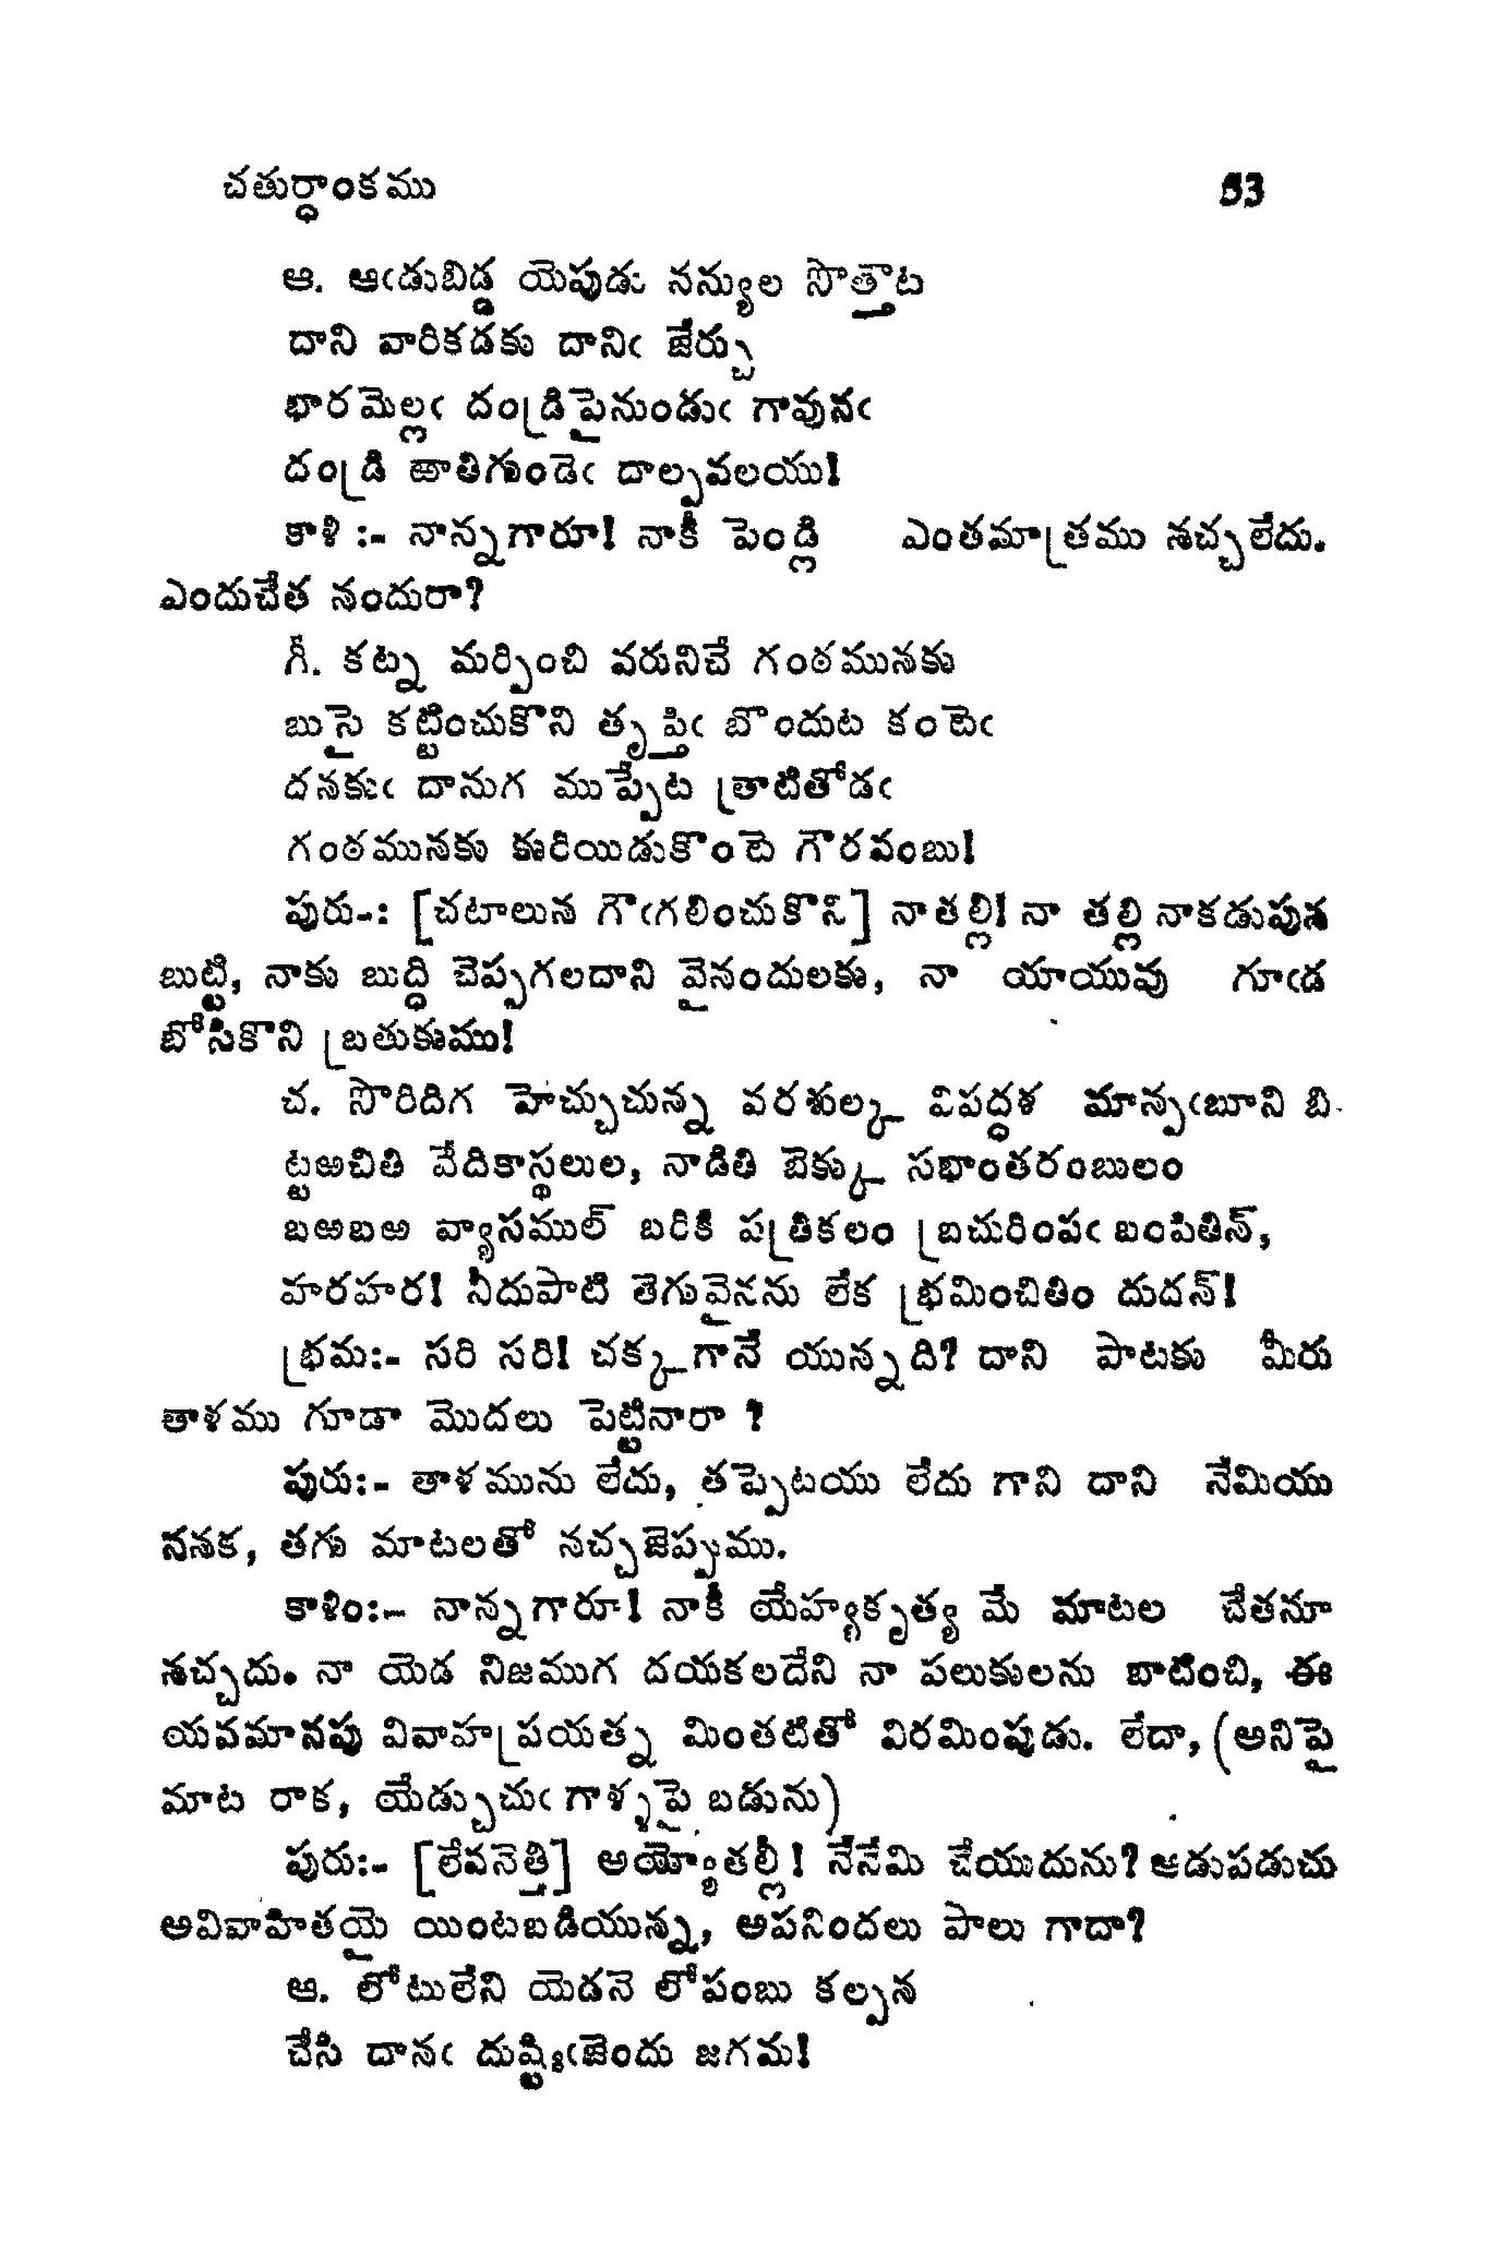ఆ. ఆఁడుబిడ్డ యెపుడు నన్యుల సొత్తౌట
 దాని వారికడకు దానిఁ జేర్చు
 భారమెల్లఁ దండ్రిపైనుండుఁ గావునఁ
 దండ్రి ఱాతిగుండెఁ దాల్పవలయు!

కాళి :- నాన్నగారూ! నాకీ పెండ్లి ఎంతమాత్రము నచ్చలేదు! ఎందుచేత నందురా?

గీ. కట్న మర్పించి వరునిచే గంఠమునకు
 బుస్తె కట్టించుకొని తృప్తిఁ బొందు కంటెఁ
 దనకుఁ దానుగ ముప్పేట త్రాటితోడఁ
 గంఠమునకు కురియిడుకొంటె గౌరవంబు!

పురు :- (చటాలున గౌఁగలించుకొని) నాతల్లి! నా తల్లి! నాకడుపున బుట్టి, నాకు బుద్ధి చెప్పగలదాని వైనందులకు, నా యాయువు గూఁడ బోసికొని బ్రతుకుము!

చ. సొరిదిగ హెచ్చుచున్న వరశుల్క విపద్దశ మాన్పఁబూని, బి
 ట్టఱచితి వేదికాస్థలుల, నాడితి బెక్కు సభాంతరంబులం,
 బఱబఱ వ్యాసముల్‌ బరికి పత్రికలం బ్రచురింపఁ బంపితిన్‌,
 హరహర! నీదుపాటి తెగువైనను లేక భ్రమించితిం దుదన్‌!

భ్రమ :- సరి సరి! చక్కగానే యున్నది? దాని పాటకు మీరు తాళము గూడా మొదలు పెట్టినారా?

పురు :- తాళమును లేదు, తప్పెటయును లేదు గాని, దాని నేమియు ననక, తగు మాటలతో నచ్చజెప్పుము.

కాళిం :- నాన్నగారూ! నాకీ యేహ్యకృత్య మే మాటల చేతనూ నచ్చదు. నా యెడ నిజముగ దయకలదేని నాపలుకులను బాటించి, ఈ యవమానపు వివాహప్రయత్న మింతటితో విరమింపుఁడు, లేదా, (అనిపై మాట రాక, యేడ్చుచుఁ గాళ్ళపై బడును.)

పురు :- (లేవనెత్తి) అయ్యోతల్లీ! నేనేమి చేయుదును? ఆడుపడుచు అవివాహితయై యింటబడియున్న, అపనిందల పాలు గాదా?

ఆ. లోటులేని యెడనె లోపంబు కల్పన
 చేసి దానఁ దుష్టిఃఁజెందు జగమ!